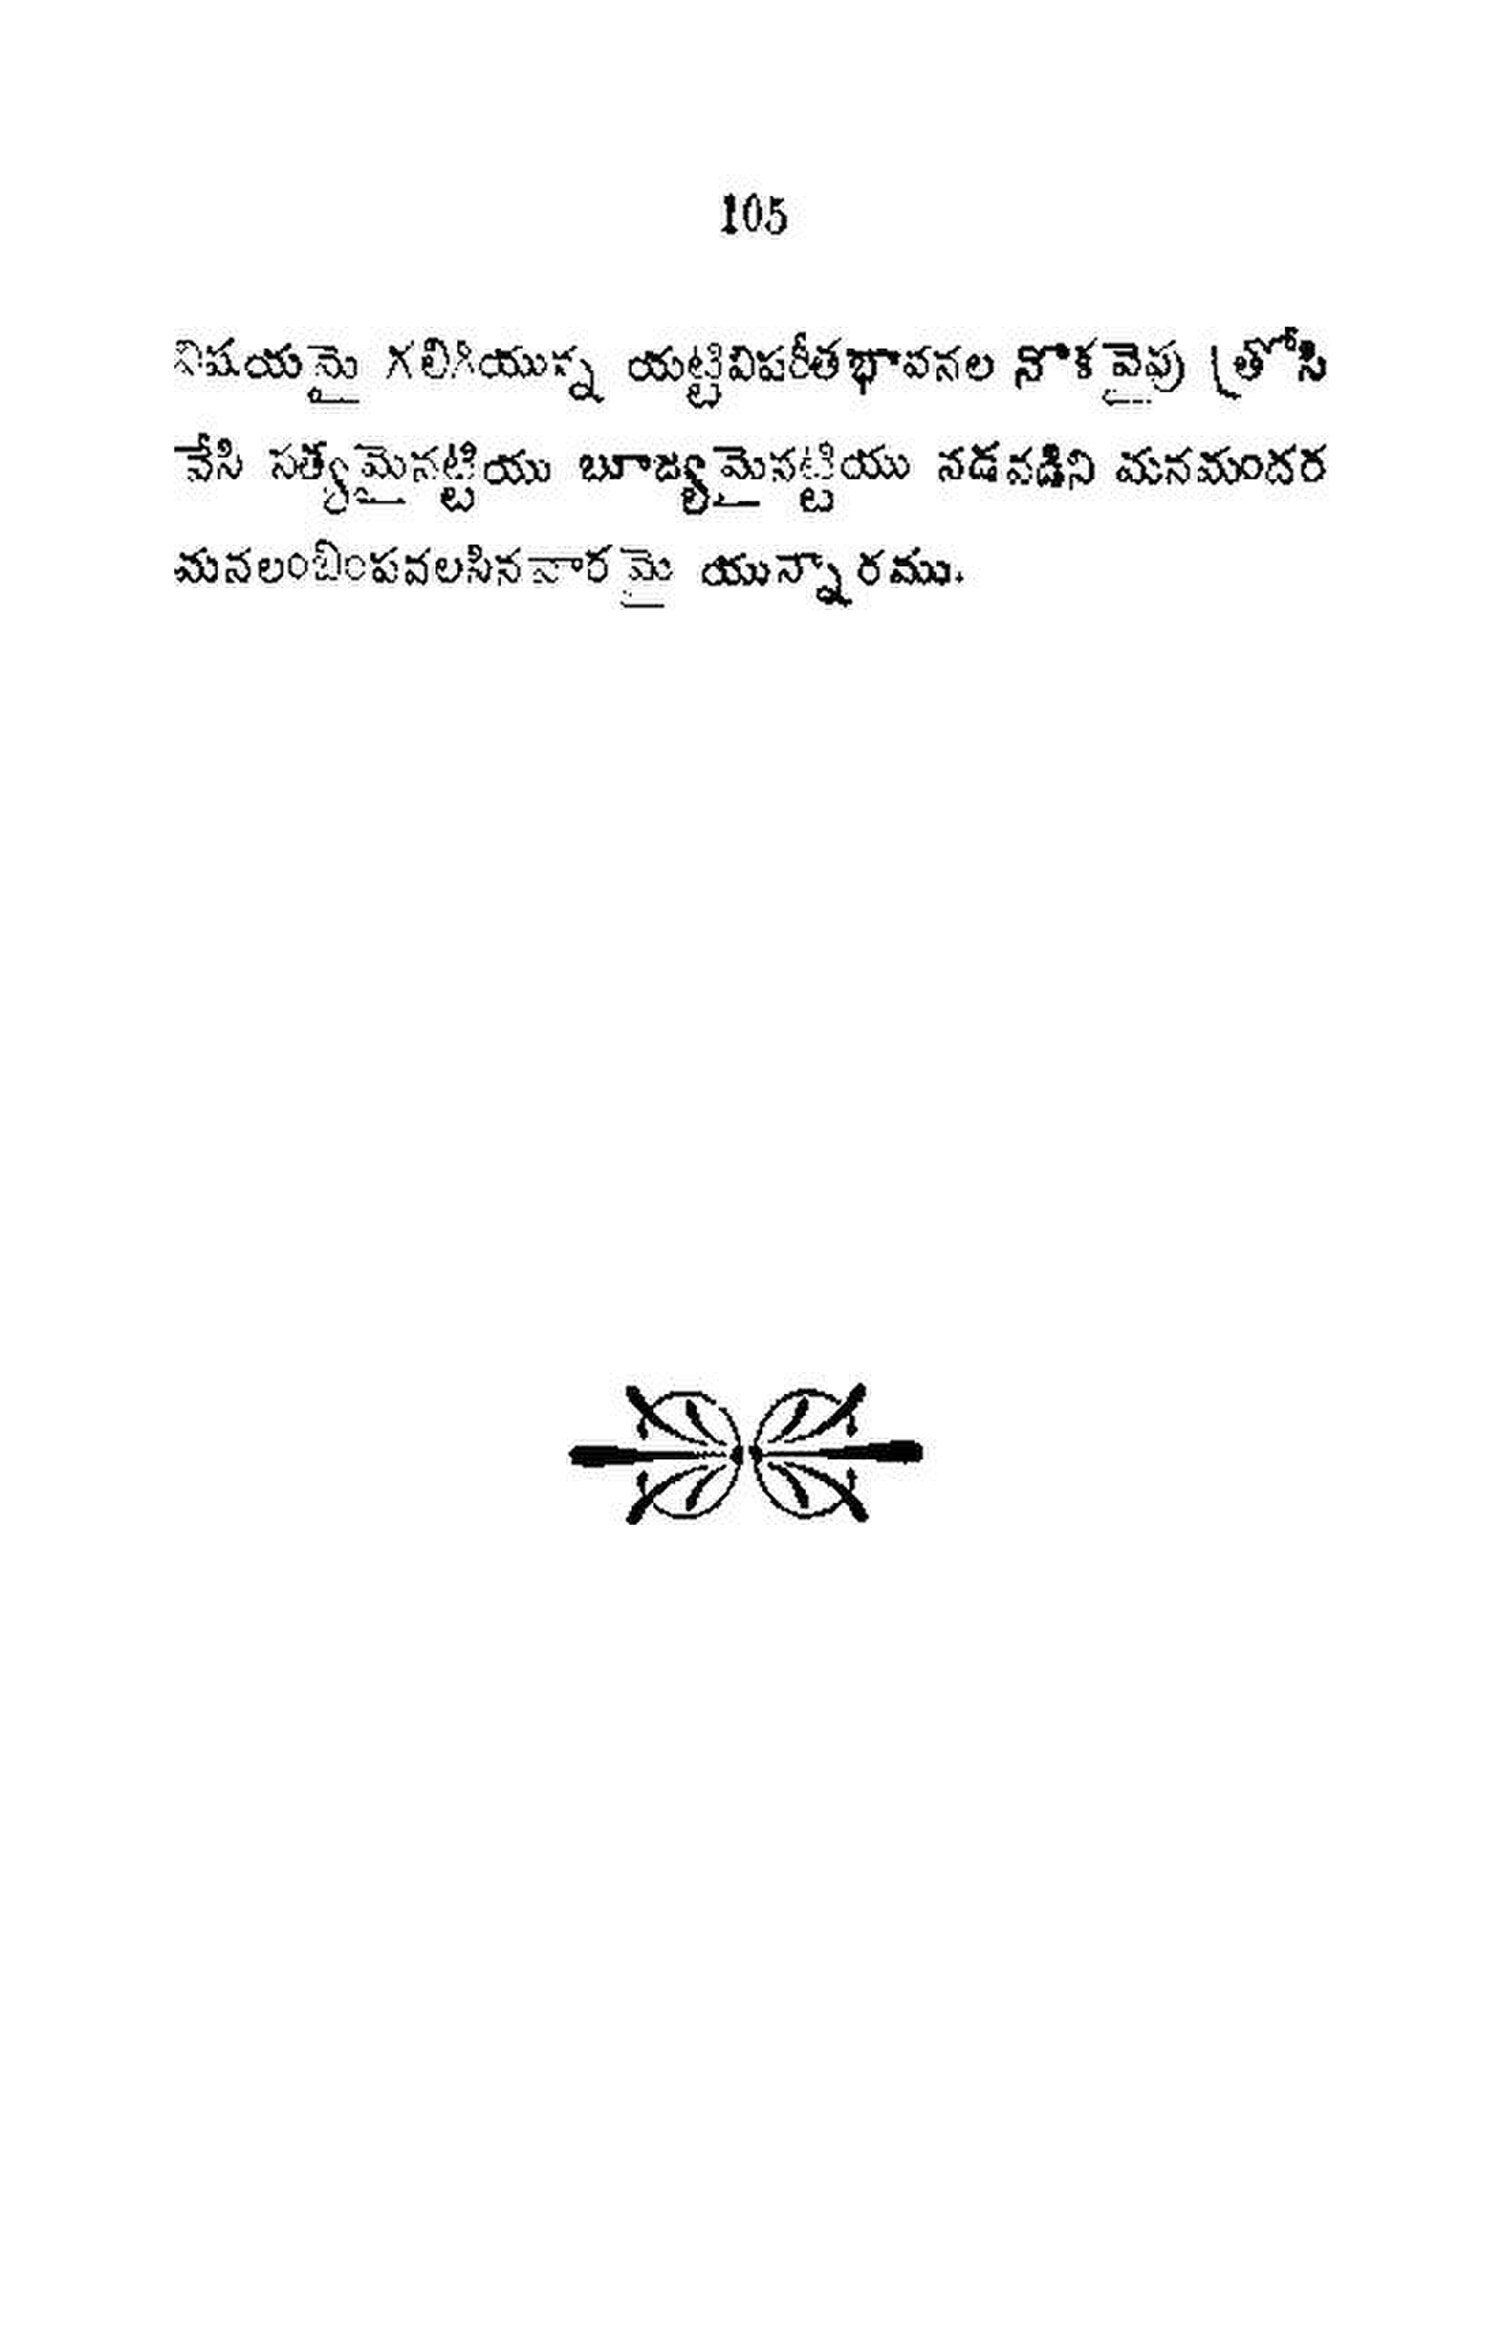విషయమై గలిగియున్న యట్టివిపరీతభావనల నొకవైపు త్రోసివేసి సత్యమైనట్టియు బూజ్యమైనట్టియు నడవడిని మనమందర మవలంబింపవలసినవారమై యున్నారము.